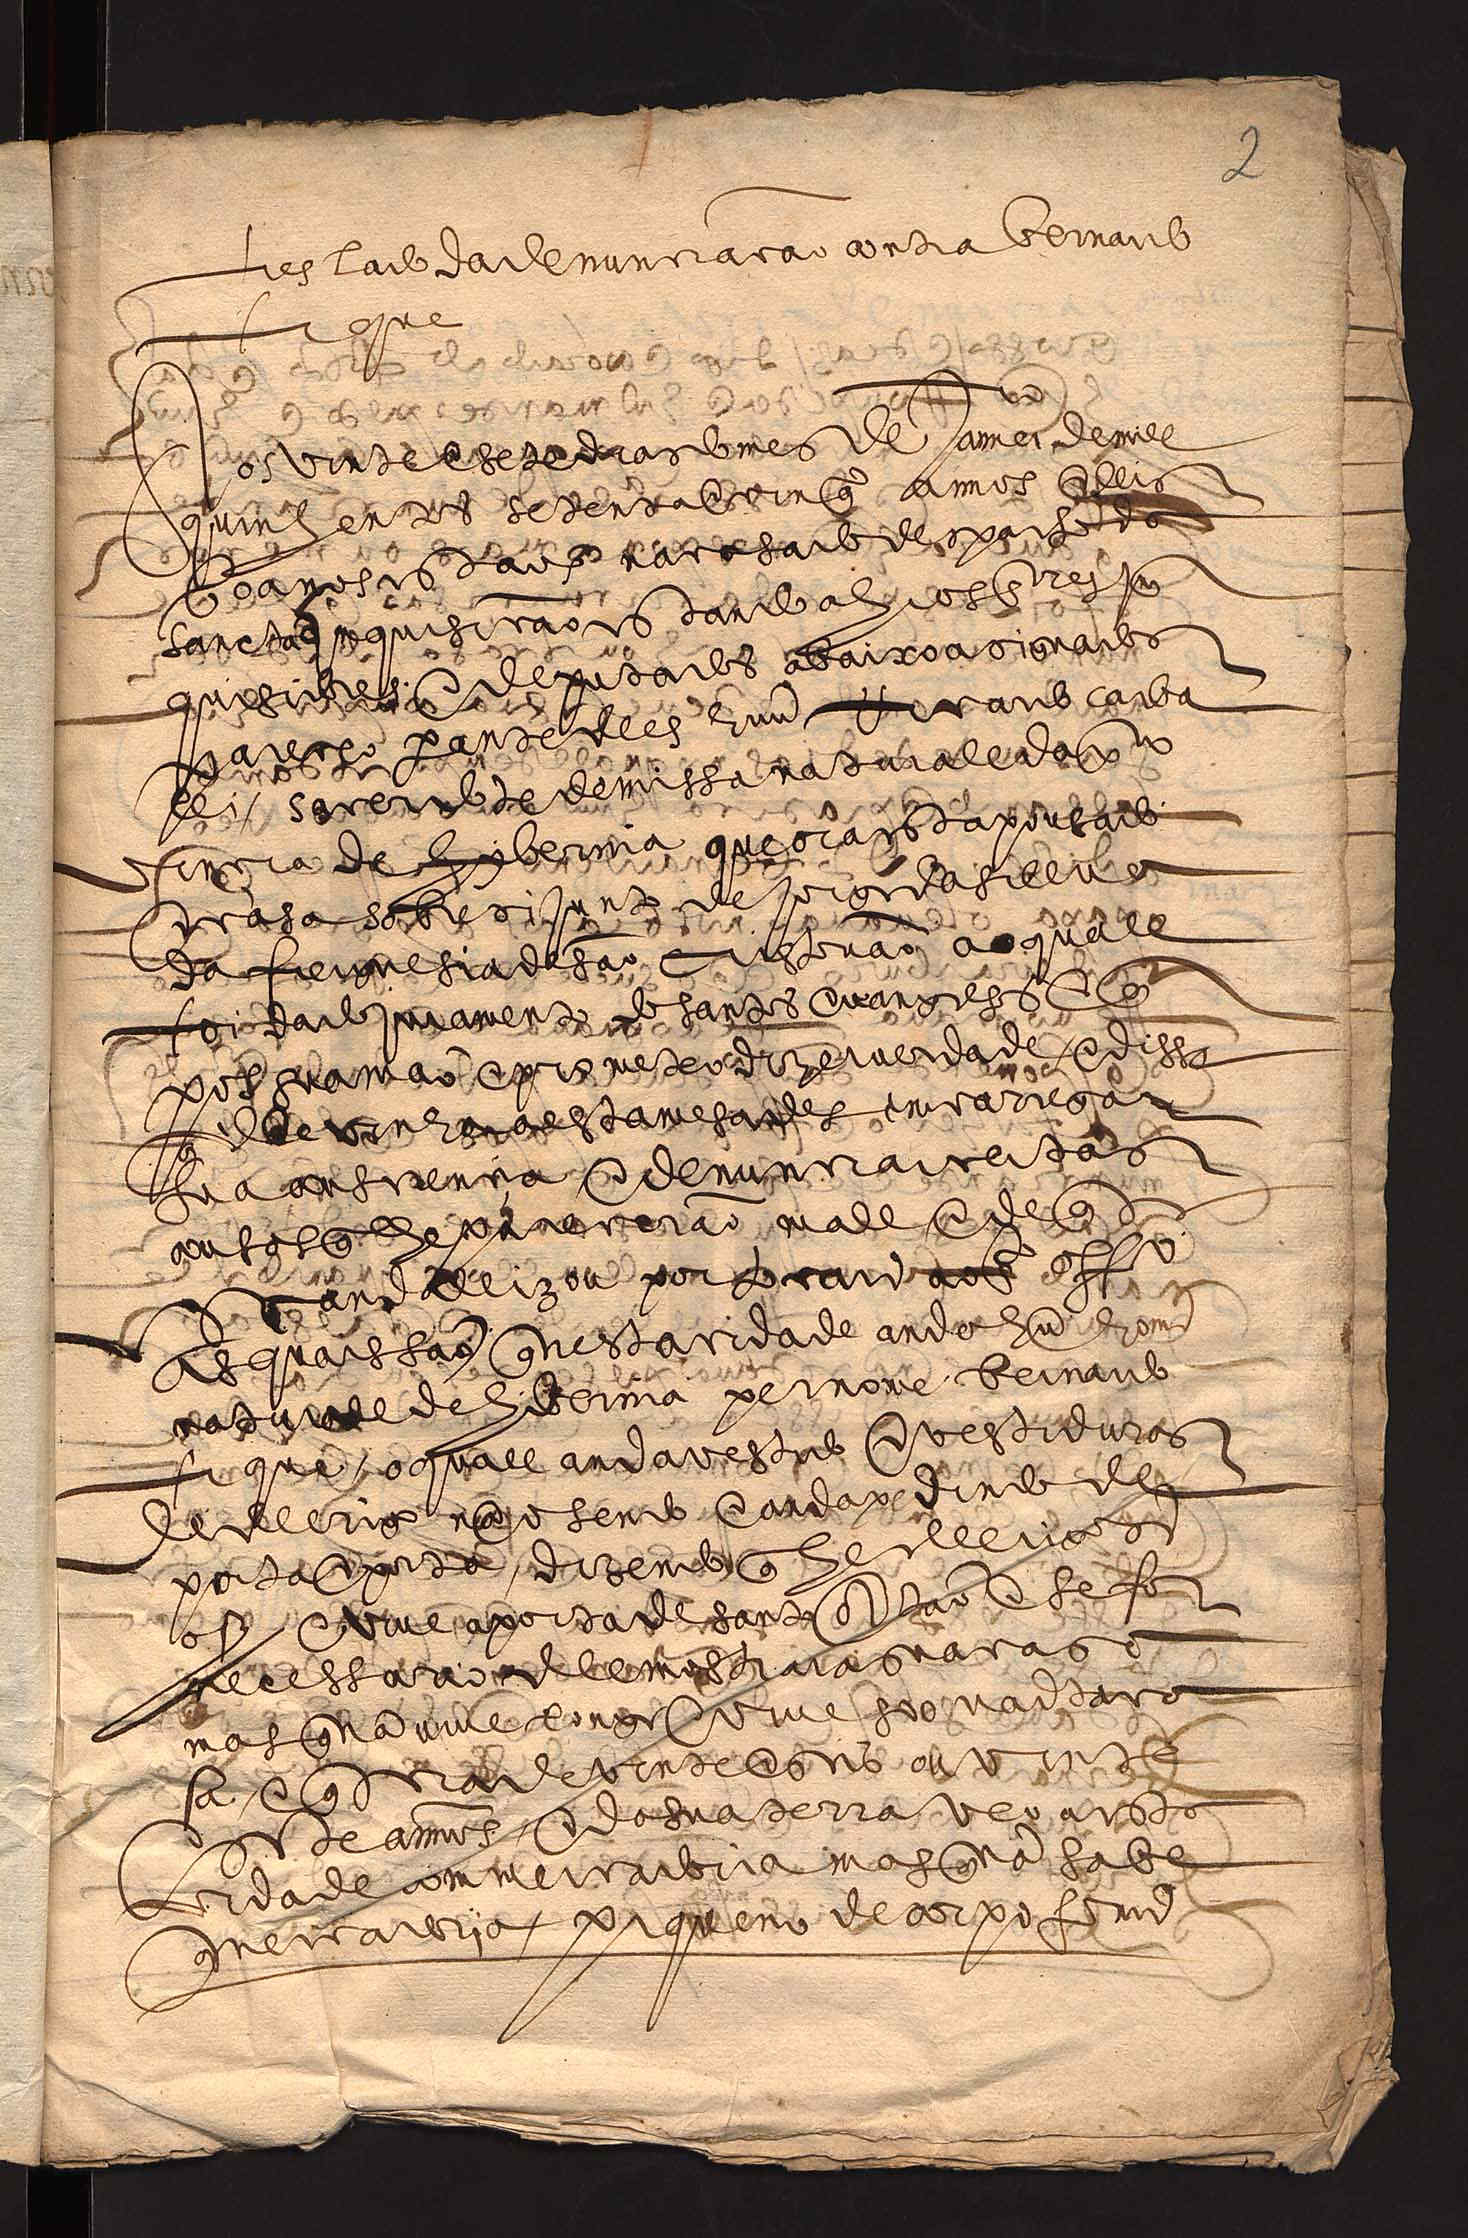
treslado da denunciação contra bernando
fique
Aos vinte e sete dias do mes de Janneiro de mill
quinhentos setenta e cinq̄o annos ē llis
boa nos estaos na casa do despacho da
sancta Jnquisiçaõ estando ahi os sores Jm
quisidores e deputados abaixo asignados
pareceo ꝑante elles huū Ricardo carba
lli / sacerdote de missa naturall da pro
vincia de hybernia que ora esta pousado
ē casa sobre si Junto de Jorge da sillua
da freiguesia da são Cristouão ao quall
foi dado juramento do santos euangelhos ē q̄
pos sua maõ e prometeo dizer uerdade / e disse
q̄ ele vinha a esta mesa desemcarregar
sua consciencia e denunciar certas
cousas q̄ lhe parecerão mall e de q̄ se
escandallizou por tocarē ao sto offo
As quais saõ q̄ nesta cidade anda hū homē
naturall de hibernia per nome bernando
fique / o quall anda vestido ē vestiduras
de cllerigo nā o sendo e anda pedindo de
porta ē porta / dizemdo q̄ he cllerigo sē
o ꞩ e viue a porta de santo Ātaõ e se for
necessario elle mostrara sua casa
mas q̄ nā uiue longe e viue soo na dta ca
sa. / e q̄ sera de vinte e seis ou vinte
e sete annos / e da sua terra veo a esta
cidade com mercadoria mas q̄ nā sabe
que mercadoria / piqueno de corpo homē
